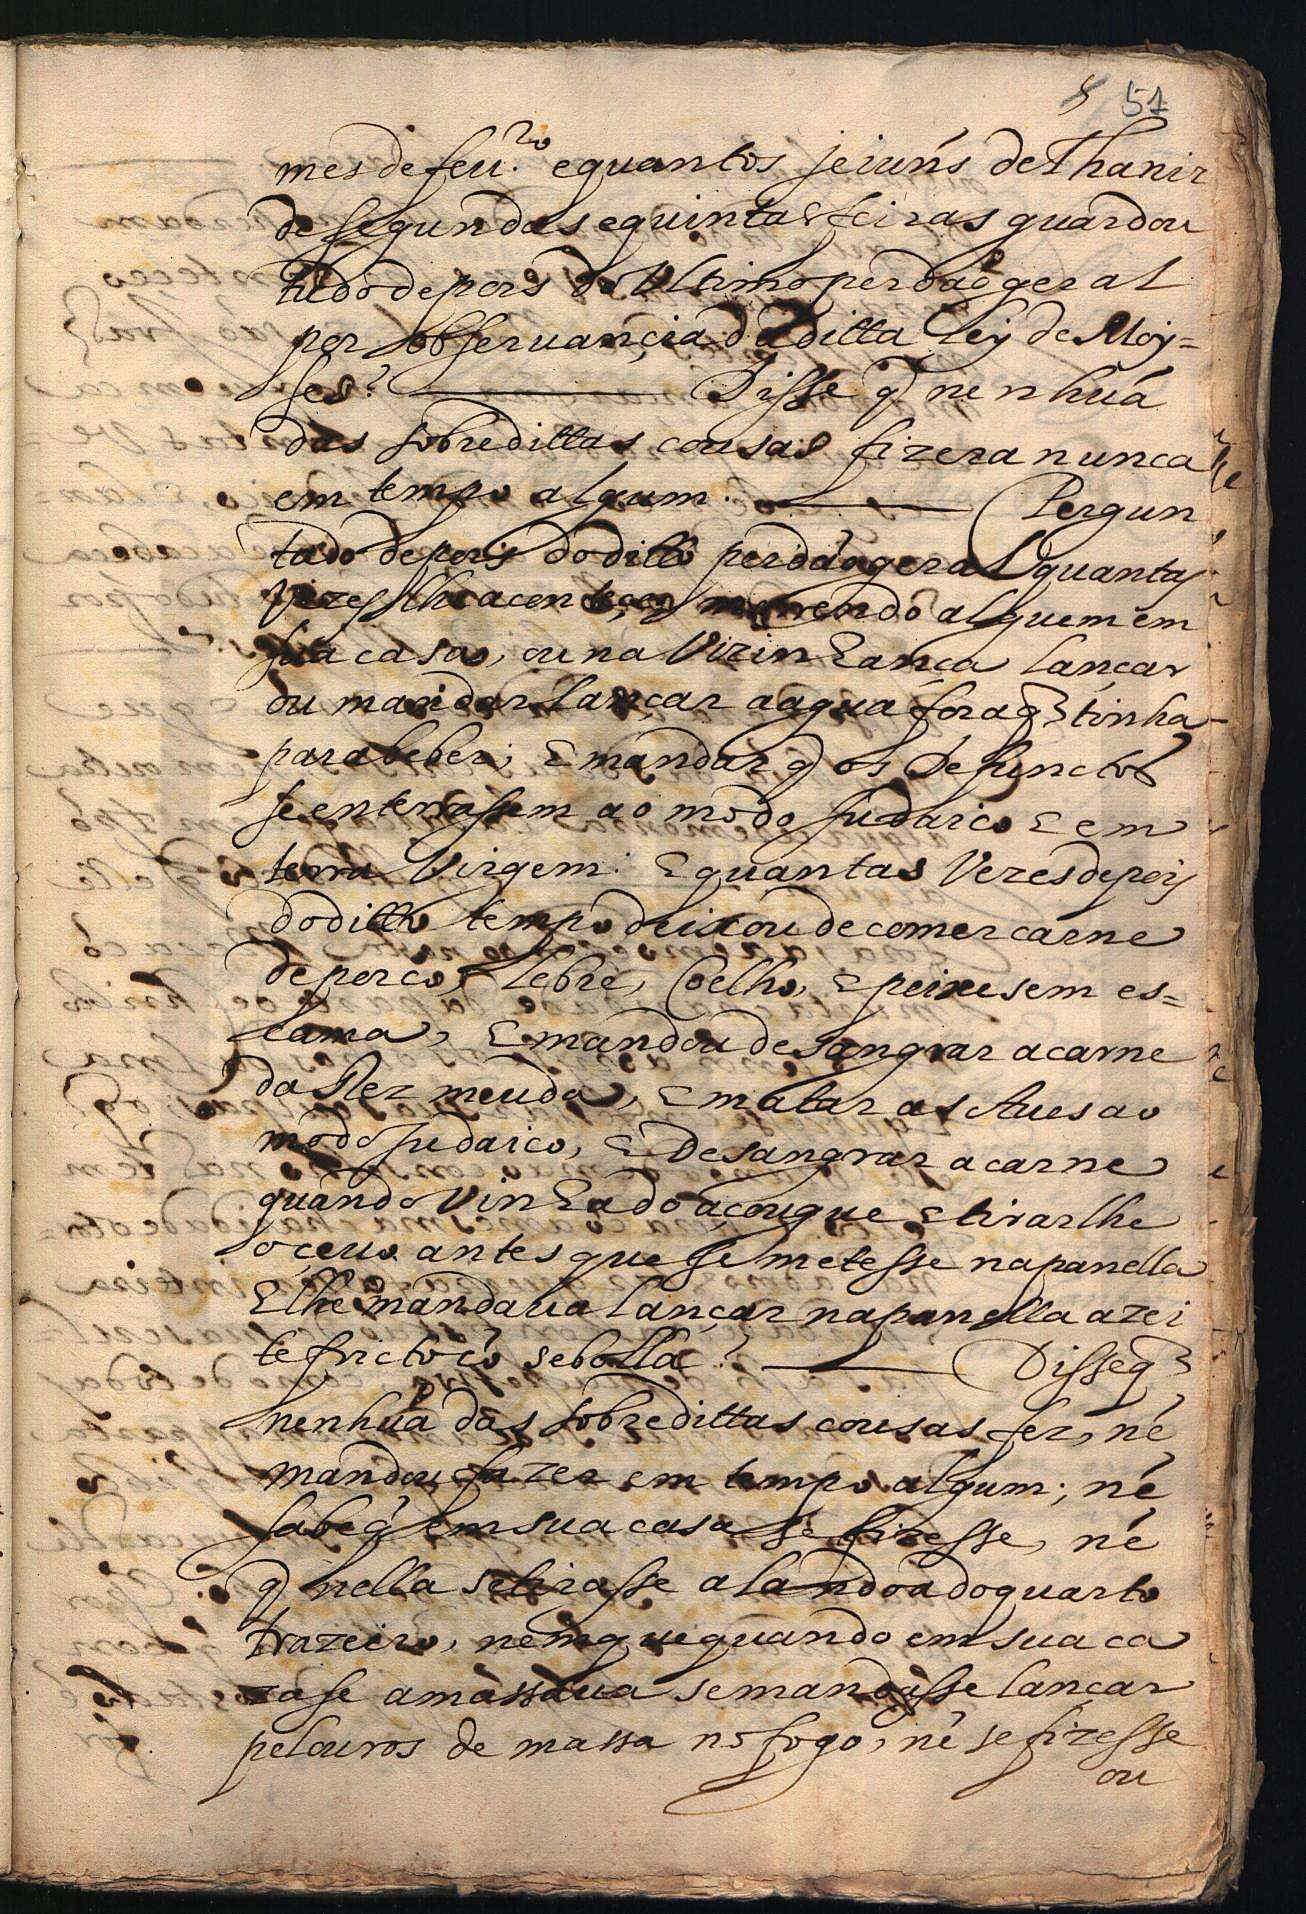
mes de feu.ro e quantos jeiun̄s de Thaniz
de segundas e quintas feiras guardou
tudo depois do vltimo perdaõ geraL
por obseruançia da ditta Ley de Moy
ses? - Disse q̄ nenhuā
das sobredittas cousas fizera nunca
em tempo algum. - Pergun
tado depois do ditto perdaõ geral quantas
vezes lhe aconteçeo morrendo alguem em
sua casa, ou na vizinhança lançar
ou mandar lançar a agua fora q̄ tinha
para beber; E mandar q̄ os Defunctos
se enterrassem ao modo Judaico E em
terra Virgem: E quantas Vezes depois
do ditto tempo deixou de comer carne
de porco, lebre, Coelho, E peixe sem es
cama. E mandou desangrar a carne
da Rez meuda, e matar as Aues ao
modo Judaico, E Desangrar a carne
quando vinha do açougue E tirarlhe
o çeuo antes que se metesse na panella
E lhe mandaua lançar na panella azei
te fricto cō sebolla? ‒ Disse q̄
nenhua das sobredittas cousas fez, nē
mandou fazer em tempo algum; nē
sabe q̄ em sua casa se fizesse, nē
q̄ nella se tirasse a landoa do quarto
trazeiro, nem que quando em sua ca
za se amassaua se mandasse lançar
pelouros de massa no fogo, nē se fizesse
ou
